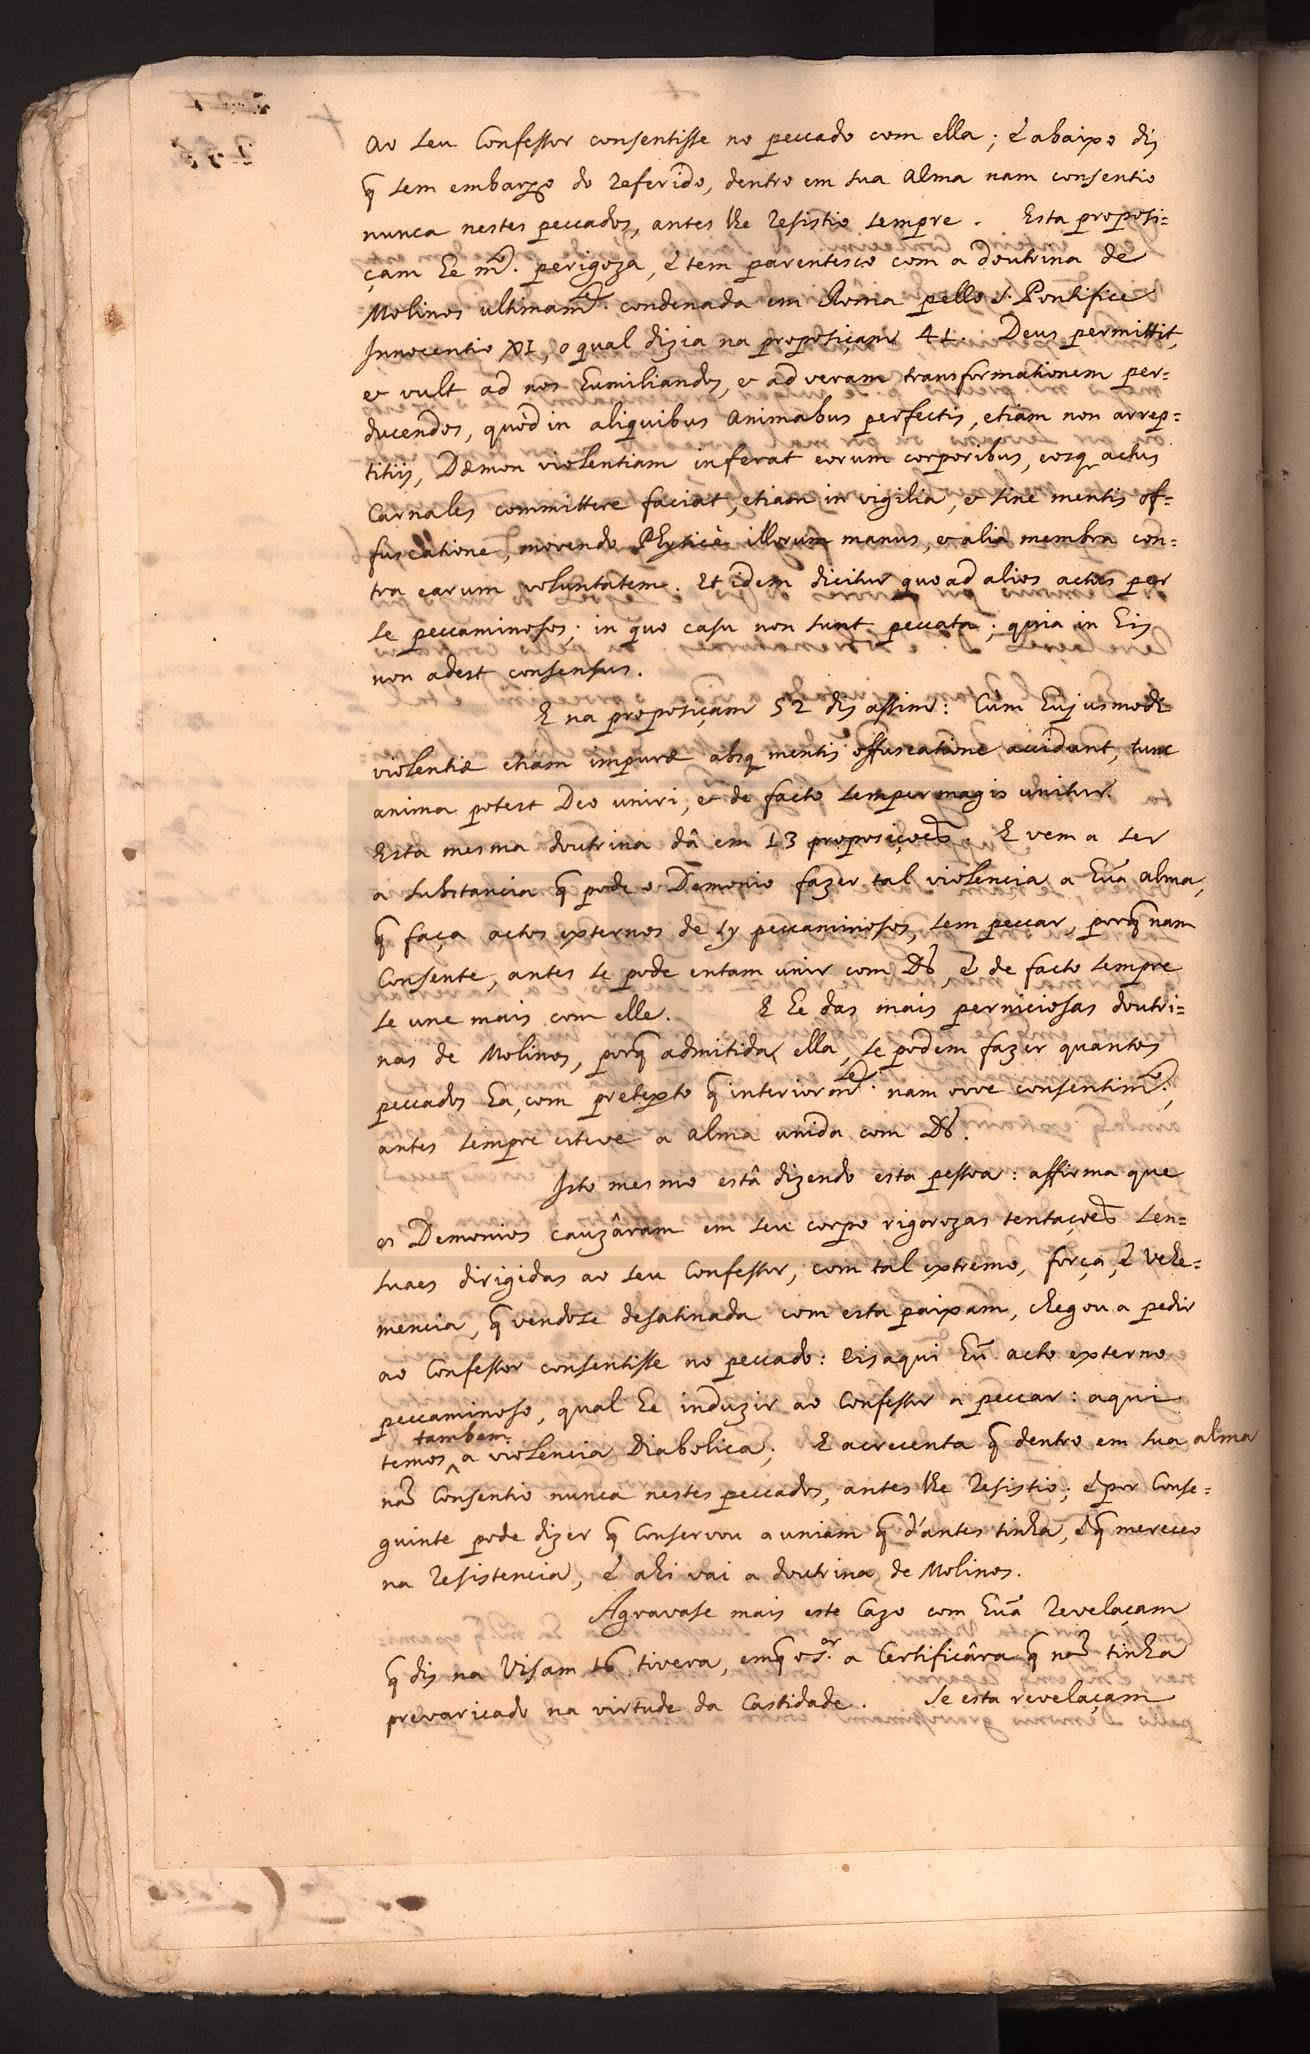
ao seu Confessor consentisse no peccado com ella; e abaixo dis
q̄ sem embargo do referido, dentro em sua alma nam consentio
nunca nestes peccados, antes lhe Resistio sempre. Esta proposi
çam he mto. perigoza, e tem parentesco com a doutrina de
Molinos ultimam.te condenada em Roma pello S. Pontifice
Jnnocentio XI, o qual dizia na proposiçam 41. Deus permittit,
et vult ad nos humiliandos, et ad veram tranformationem per
ducendos, quod in aliquibus animabus perfectis, etiam non arrep
titiis, Dæmon violentiam inferat eorum corporibus, eosq actus
carnales committere faciat, etiam in vigilia, et sine mentis of
fuscatione, movendo Physice illorum manus, et alia membra con
tra earum voluntatem. Et idem dicitur quo ad alios actus per
se peccaminosos; in quo casu non sunt peccata; quia em his
non ad est consenusus.
E na proposiçam 52 dis assim: Cum hujus modi
violentiæ etiam impuræ absq mentis offuscatione accidunt, tunc
anima potest Deo uniri, et de facto semper magis unitur.
Esta mesma doutrina dâ em 13 proposiçoẽs, E vem a ser
a substancia q̄ pode o Demonio fazer tal violencia a huā alma
q̄ faça actos externos de sy peccaminosos, sem peccar, porq̄ nam
consente, antes se pode entam unir com Ds̄, e de facto sempre
se une mais com elle. E he das mais perniciosas doutri
nas de Molinos, porq̄ admitida ella, se podem fazer quantos
peccados ha, com pretexto q̄ interiorm.te nam ouve consentim.to
antes sempre esteve a alma unida com Ds̄.
Jsto mesmo estâ dizendo esta pessoa: affirma que
os Demonios cauzâram em seu corpo rigorozas tentaçoẽs sen
suaes dirigidas ao seu Confessor, com tal extremo, força, e vehe
mencia, q̄ vendose desatinada com esta paixam, chegou a pedir
ao Confessor consentisse no peccado: eis aqui hū acto externo
peccaminoso, qual he induzir ao Confessor a peccar: aqui
temos
tambem
a violencia Diabolica; E acrecenta q̄ dentro em sua alma
naõ consentio nunca nestes peccados, antes lhe Resistio; e por conse
guinte pode dizer q̄ conservou a uniam q̄ d'antes tinha, e q̄ mereceo
na resistencia, e ahi vai a doutrina de Molinos.
Agravase mais este Cazo com hua Revelaçam
q̄ diz na Visam 16 tivera, em q̄ o s.or a Certificâra q̄ naõ tinha
prevaricado na virtude da Castidade. Se esta revelaçam
